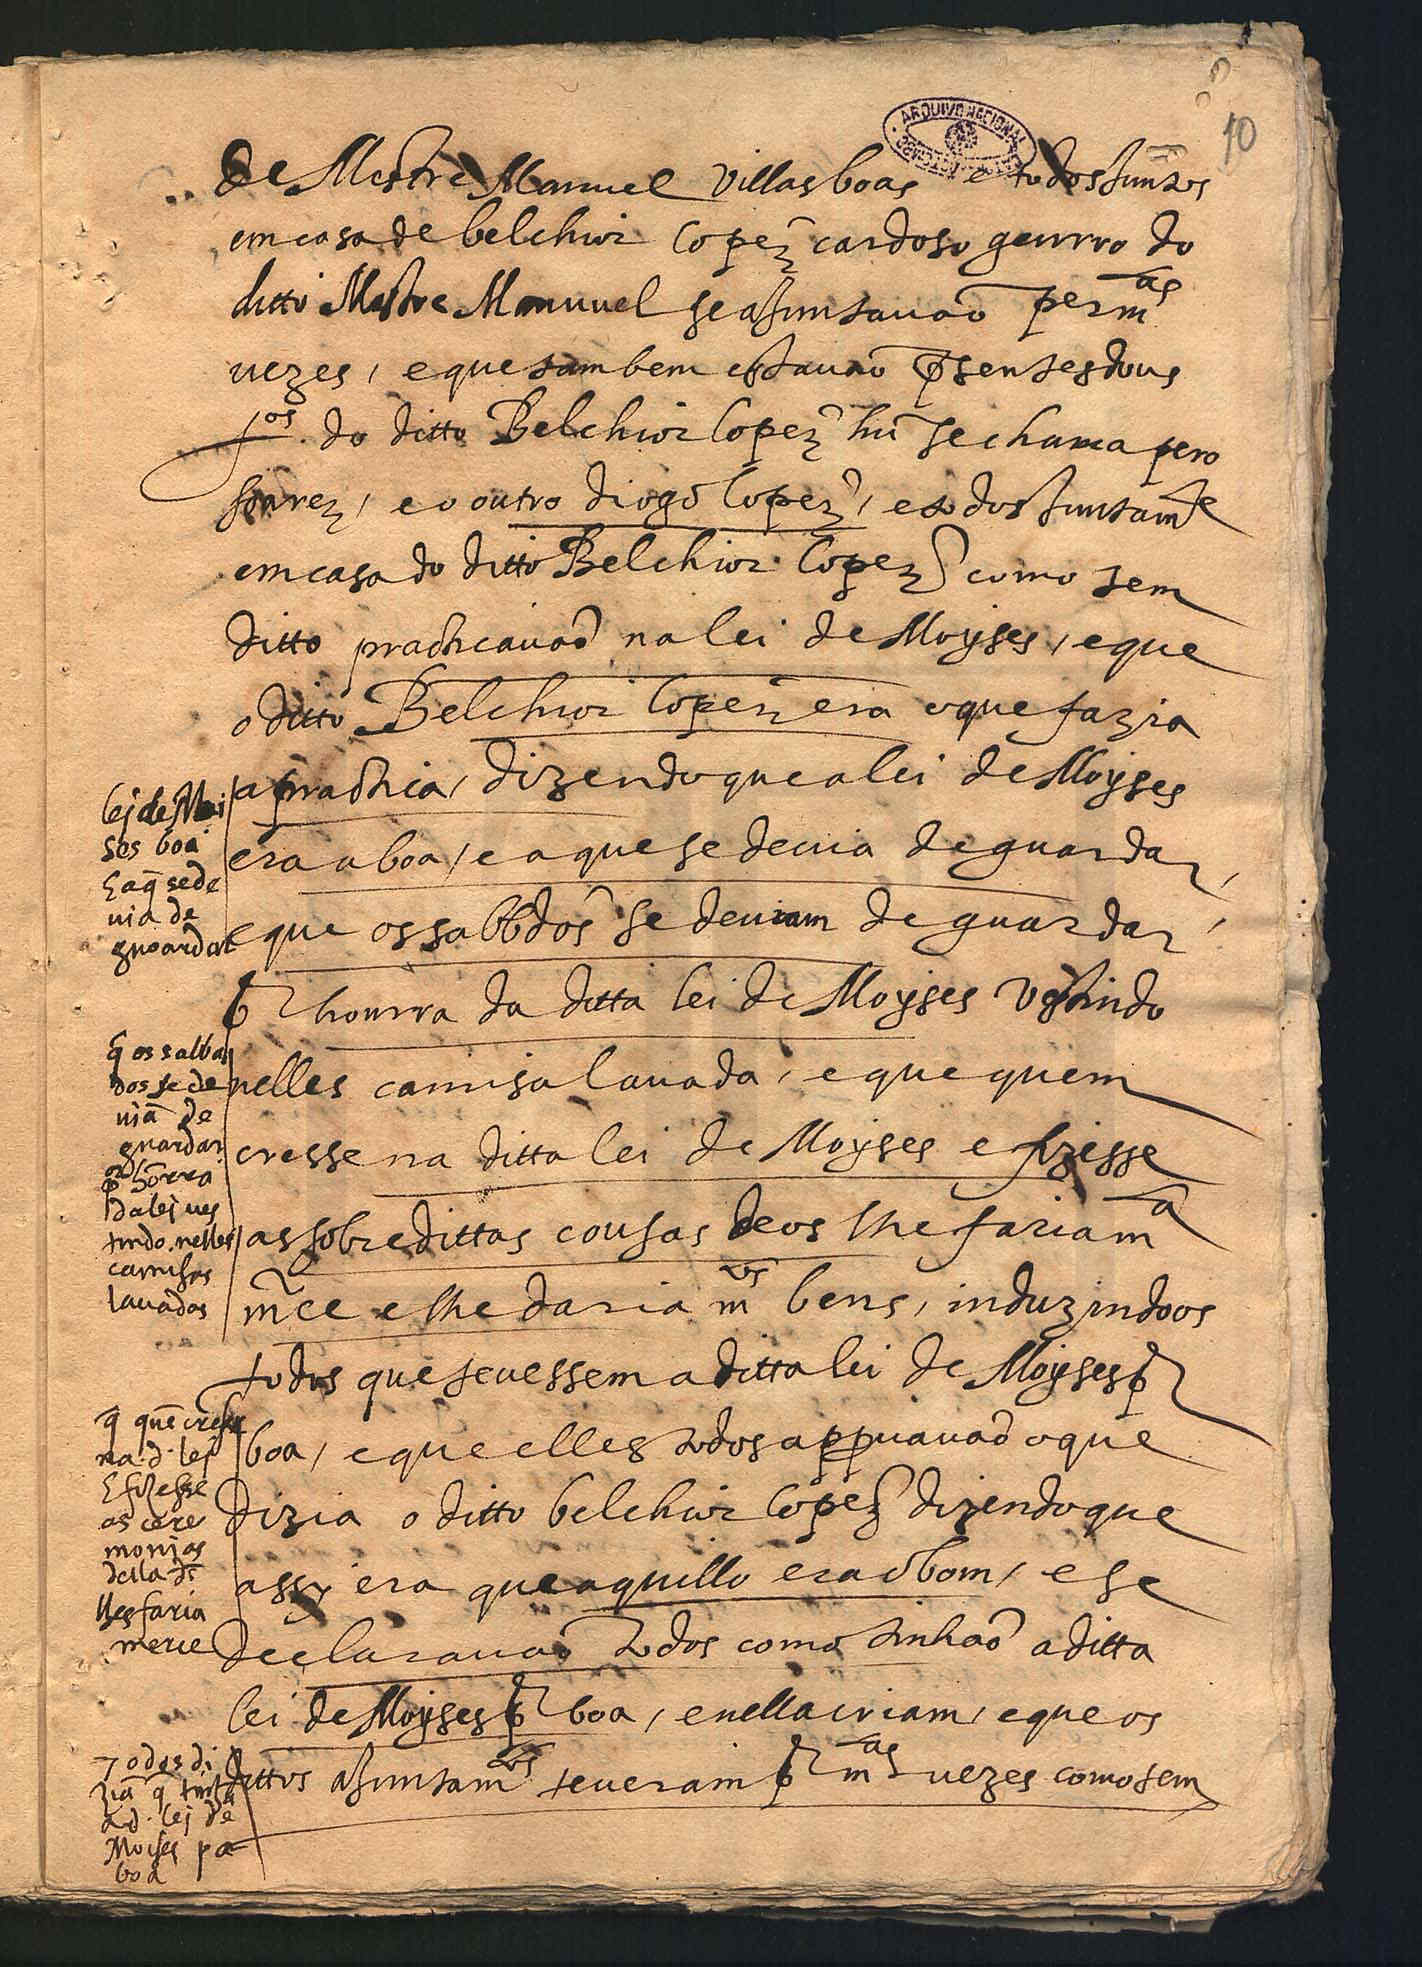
de Mestre Manuel villas boas e todos Juntos
em casa de belchior lopez̄ cardoso genrro do
ditto Mestre Manuuel se aJuntauaõ per mtas
vezes / e que também estavaõ p̄sentes dous
fos do ditto Belchior lopez̄ hū se chama pero
soarez / e o outro diogo lopez̄/ e todos juntamte
em casa do ditto Belchior lopez̄ como tem
ditto practicauaõ na lei de Moyses/ e que
o ditto Belchior lopez̄ era o que fazia
a practica, dizendo que a lei de Moyses
era a boa / e a que se devia de guardar,
e que os sabbdos̄ se deuiam de guardar
p̄r honrra da ditta lei de Moyses vestindo
nelles camisa lauada, e que quem
cresse na ditta lei de Moyses e fizesse
as sobredittas cousas deos lhe faria mta
m̄ce e lhe daria mtos bens, induzindoos
todos que teuessem a ditta lei de Moyses pr
boa / e que elles todos apꝓuauaõ o que
dizia o ditto belchior lopez̄ dizendo que
assy era que aquillo era o bom / e se
declarauaõ todos como tinhaõ a ditta
lei de Moyses pr boa / e nella criam / e que os
dittos aJuntamtos teueram pr mtas vezes como tem
